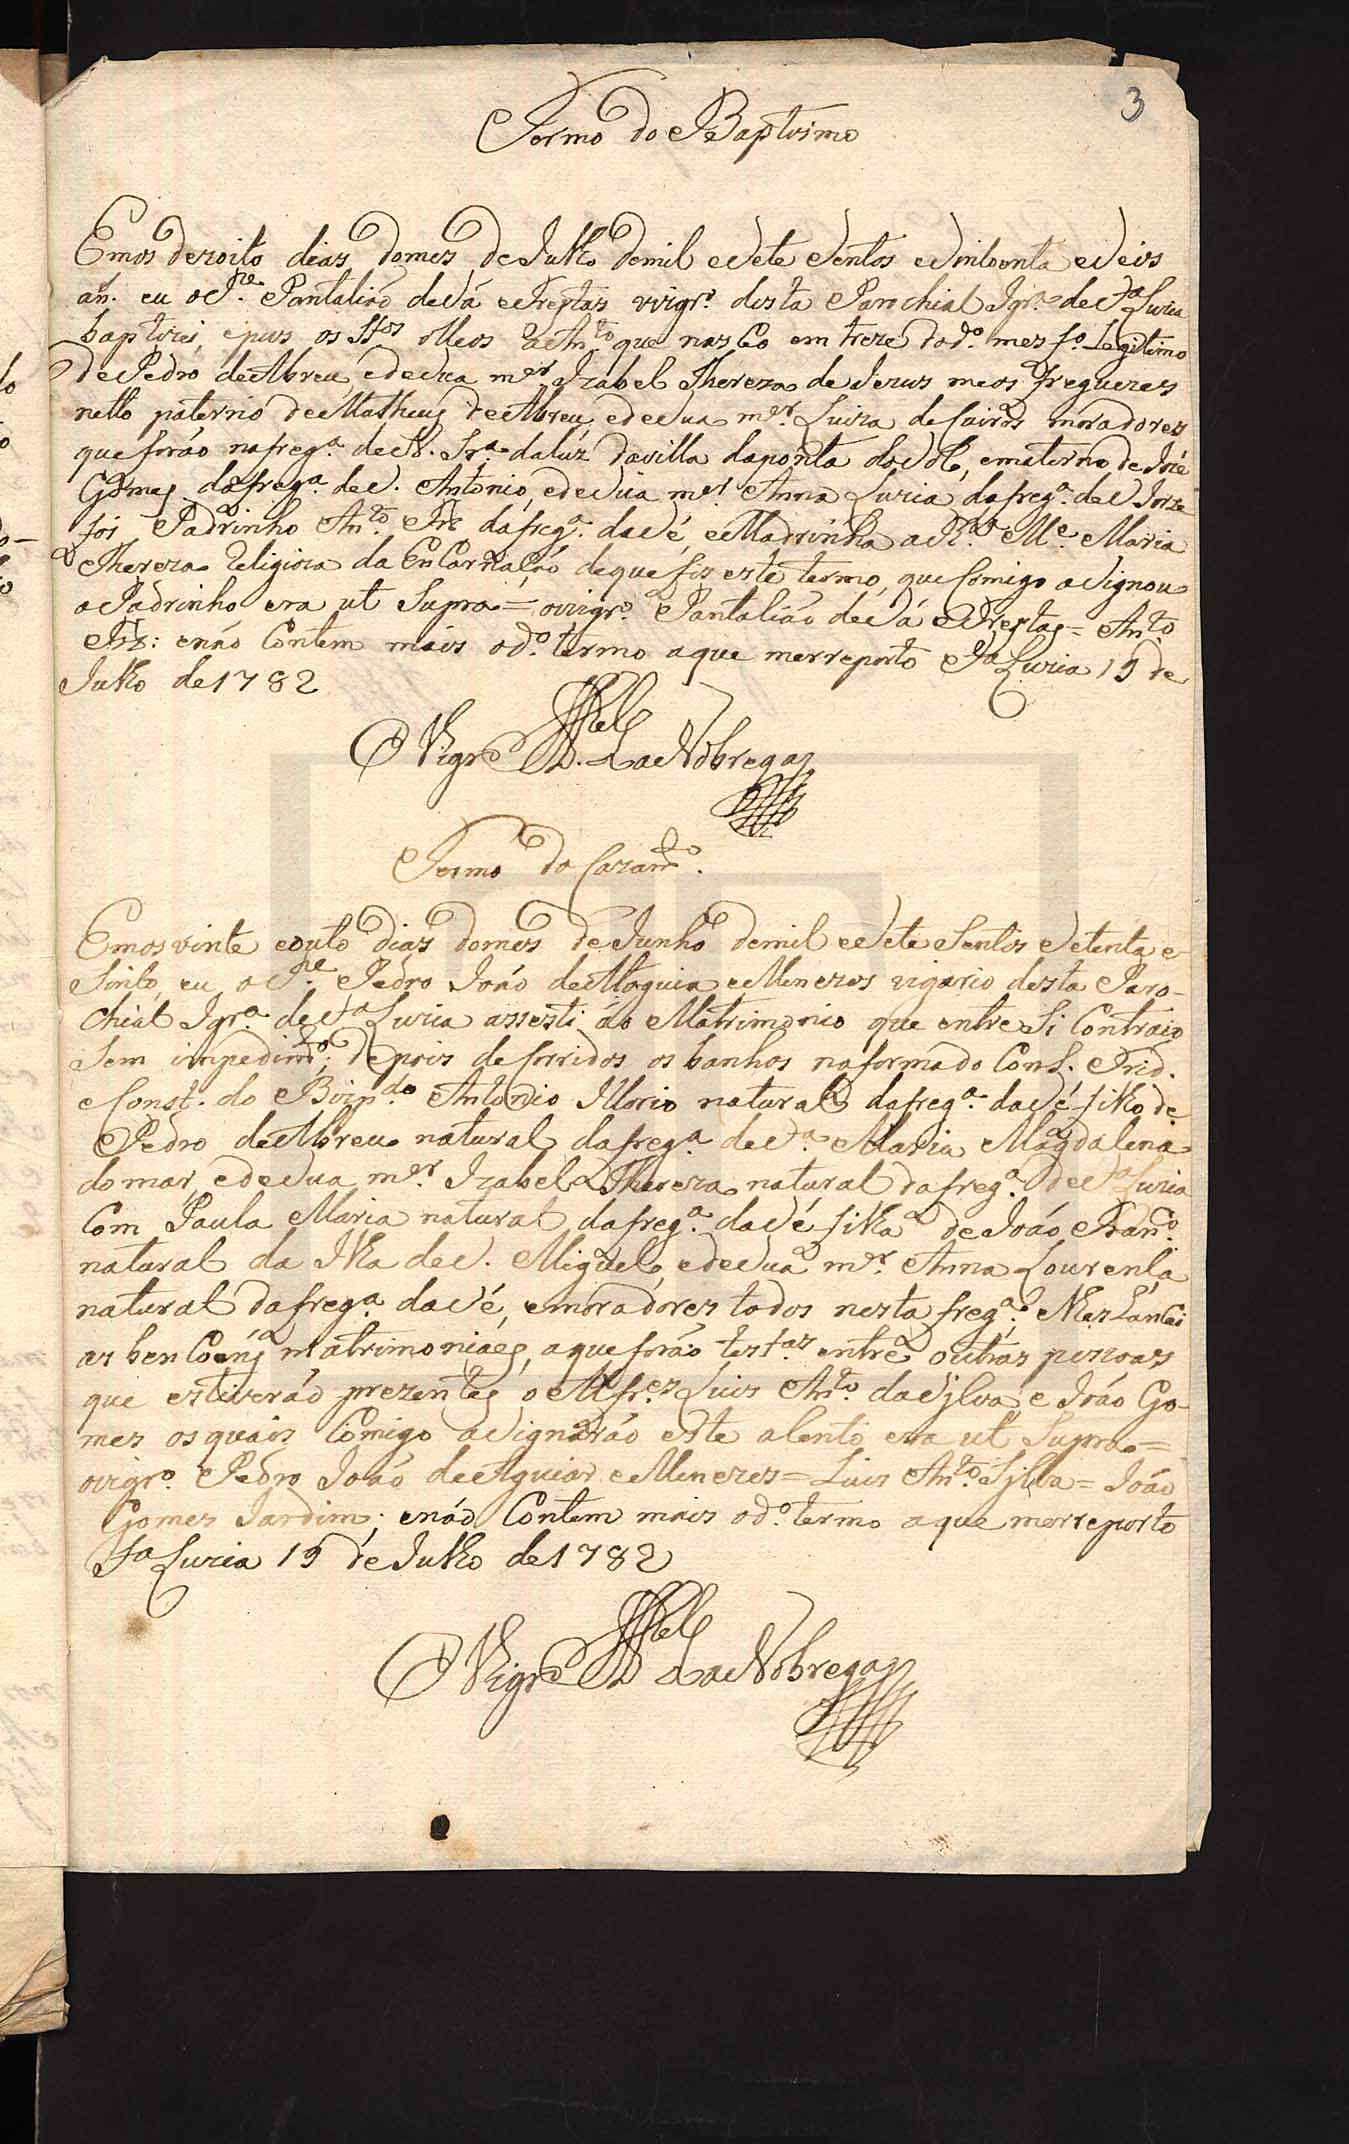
3
Termo do Baptismo
Em os dezoito dias do mes de Iulho de mil e SeteSentos e SinCoenta e Seis
an.s eu o P.e Pantalião de Sá Freytas vvigr.o desta Parochial Igr.a de s̄.a Luzia
baptizei e pus os stos olleos a An.to que nasCeo em treze do d.o mes f.o legitimo
de Pedro de Abreu, e de sua m.er Izabel Thereza de Iezus meos freguezes
netto paterno de Matheus de Abreu e de sua mer. Luiza de Cairos moradores
que forão na freg.a de N. Sr.a da lúz da villa da ponta do Sol, e materno de Iozé
Gomes da freg.a de s. Antonio, e de sua m.er Anna Luzia da freg.a de s Iorze
foi Padrinho An.to Frz̄ da freg.a da sé e Madrinha a R.da M.e Maria
Thereza Religioza da EnCarnaÇão de que fis este termo que Comigo asignou
o Padrinho era ut Supra = o vvigr.o Pantaliaõ de sá Freytas= An.to
Frz̄: e não Contem mais o d.o termo a que me rreporto s.ta Luzia 19 de
Iulho de 1782
O Vigro M.el da Nobrega
Termo do Cazam.to
Em os vinte e outo dias do mes de Iunho de mil setesentos e setenta e
sinco eu o P.e Pedro Ioão de Ataguia Menezes vigario desta Paro
chial Igr.a de sta Luzia assesti ao Matrimonio que entre si Contraio
sem impedim.to; depois de Corridos os banhos na forma do Cons. trid.
e Const. do Bisp.do Antonio Illario natural da freg.a da sé filho de
Pedro de Abreu natural da freg.a de s̄a. Maria Magdalena
do mar, e de sua m.er Izabel Thereza natural da freg.a de sa Luzia
Com Paula Maria natural da freg.a da sé filha de Ioão Fran.co
natural da Ilha de s. Miguel, e de sua m.er Anna LourenÇa
natural da freg.a da sé, e moradores todos nesta freg.a; e lhes lanCei
as benCoens matrimoniaes, a que forão test.as entre outras pessoas
que estiverão prezentes o Alf.es Luis Ant.o da Silva e Ioão Go
mes os quais Comigo asignarão este aCento era ut supra
o vigr.o Pedro Ioaõ de Aguiar e Menezes= Luiz An.to Sjlva= Ioão
Gomes Iardim; e não Contem mais o d.o termo a que me rreporto
s̄.a Luzia 19 de Iulho de 1782
O Vigro M.el da Nobrega
